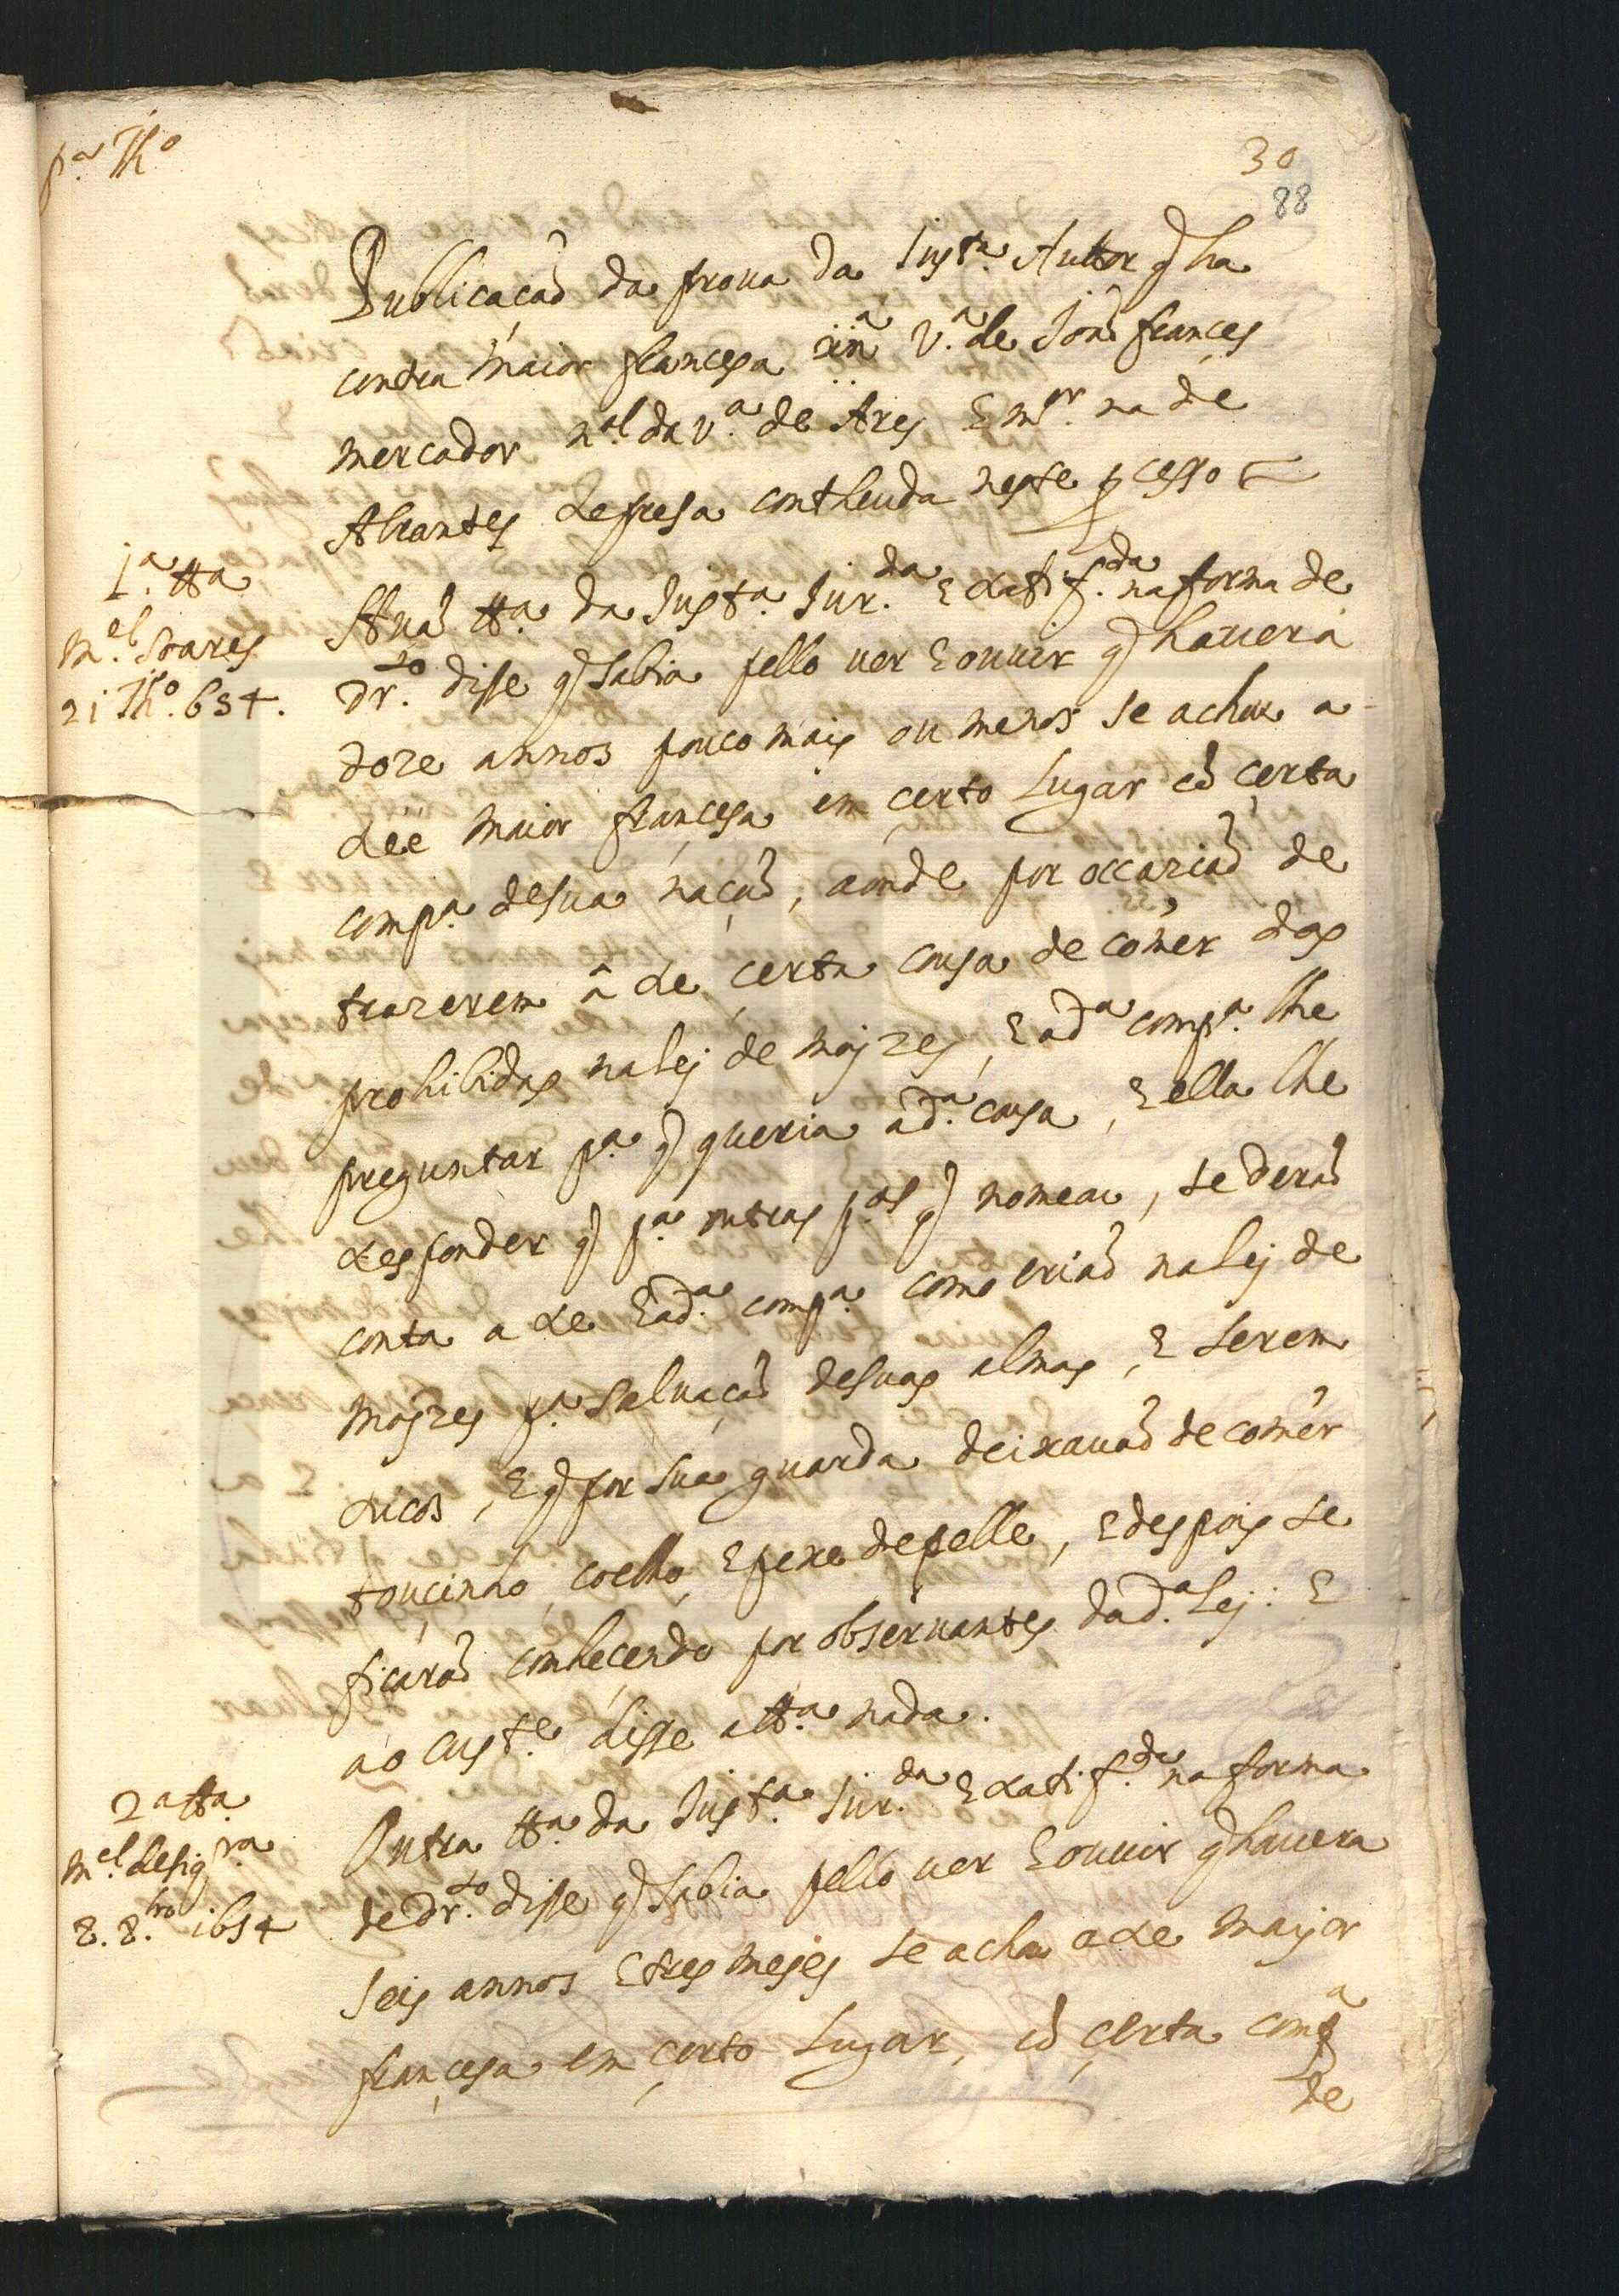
p.ro Jh.o
1.a tta
M.el soares
21 Jh.o 654.
2a tt.a
M.el de Siq.ra
8. 8.bro i654
Publicaçaõ da proua da Iust.a Auttor q̄ ha
contra maior francesa x na V.a de Ioaõ frances
mercador n.al da v.a de Ares E mor. na de
Abrantes re presa contheuda neste ꝓcesso
Huā tt.a da Iust.a Iur.da E ratif.da na forma de
dr.to disse q̄ sabia pello uer E ouuir q̄ hauerá
doze annos pouco mais ou menos se achou a
ree maior francesa em certo lugar cō certa
comp.a de sua naçaõ, aonde por occaziaõ de
trazerem â re certa casa de comer das
prohibidas na lej de mojzes, E a d̄a comp.a. lhe
preguntar p.a q̄ queria a d̄.a cousa, E ella lhe
responder q̄ p.a outras p.as q̄ nomeou, se deraõ
conta a re E a d̄.a compa. como criaõ na Lej de
mojzes p.a saluaçaõ de suas almas, E serem
ricos, E q̄ por sua guarda deixauaõ de comēr
toucinho, coelho, e pexe de pelle, e despois se
ficaraõ conhecendo por obseruantes da d̄a lej: E
ao cust.e disse a tt.a nada.
Outra tt.a da Iust.a Iur.da E ratif.da na forma
de dr.to disse q̄ sabia pello uer E ouuir q̄ hauera
seis annos E tres meses se acha a re mayor
francesa em certo lugar, cō certa compa
de
